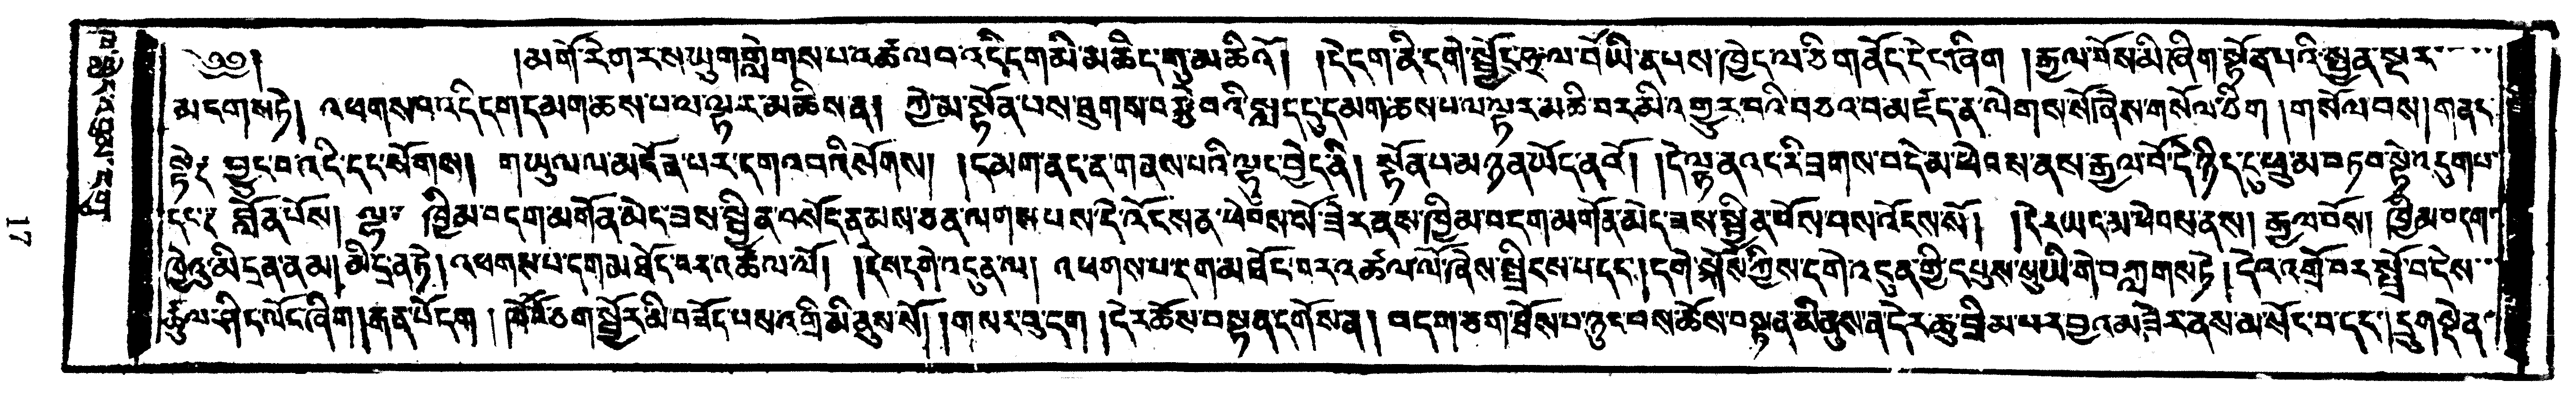༄༅། །མགོ་རེག་རས་ཡུག་གླེགས་པ་འཚལ་བ་འདི་དག་མི་མཆིད་གུ་མཆིའོ། །དེ་དག་ནི་དགེ་སྦྱོང་ཧྲ་ལ་བོ་ཡིན་པས་ཁྱེད་ལ་ཅི་གནོད་དེང་ཞིག །རྒྱལ་བོས་མི་ཞིག་སྟོན་པའི་སྤྱན་སྔར་
མངགས་ཏེ། འཕགས་པ་འདི་དག་དམག་ཆས་པ་ལ་ལྟར་མཆིས་ན། ཀྱེ་མ་སྟོན་པས་ཐུགས་བརྩེ་བའི་སླད་དུ་དམག་ཆས་པ་ལ་ལྟར་མཆི་བར་མི་འགྱུར་བའི་བཅའ་བ་མཛད་ན་ལེགས་སོ་ཞེས་གསོལ་ཅིག །གསོལ་བས། གནང་
སྟེ༑ བྱུང་བ་འདི་དང་སོགས། གཡུལ་ལ་མངོན་པར་དགའ་བའི་སོགས། །དམག་ནང་ན་གནས་པའི་ལྟུང་བྱེད་ནི། སྟོན་པ་མཉན་ཡོད་ནའོ། །དེ་ལྟ་ནའང་རི་བྲགས་བདེ་མ་ཕེབས་ནས་རྒྱལ་པོ་དེ་ཉིད་དུ་ཕྲུ་མ་བཏབ་སྟེ་འདུག་པ་
དང༑ བློན་པོས། ལྷ་ཁྱིམ་བདག་མགོན་མེད་ཟས་སྦྱིན་བསོད་ནམས་ཅན་ལགས་པས་དེ་འོངས་ན་ཕེབས་སོ་ཟེར་ནས་ཁྱིམ་བདག་མགོན་མེད་ཟས་སྦྱིན་པོས་པས་འོངས་སོ། །དེར་ཡང་མ་ཕེབས་ནས། རྒྱལ་པོས། ཁྱིམ་བདག་
ཁྱེའུ་མི་དྲན་ནམ། མི་དྲན་ཏེ། འཕགས་པ་དག་མཐོང་བར་འཚལ་ལོ། །དེས་དགེ་འདུན་ལ། འཕགས་པ་དག་མཐོང་བར་འཚལ་ལོ་ཞེས་སྤྲིངས་པ་དང་། དགེ་སྐོས་ཀྱི་དགེ་འདུན་གྱི་དཔུས་སུ་ཡི་གེ་བཀླགས་ཏེ། དེའི་འགྲོ་བར་སྤྲོ་བ་དེས་
ཚུལ་ཤིང་ལོང་ཞིག །རྒན་པོ་དག །ཁོ་བོ་ཅག་སྦྱོར་མི་བཟོད་པས་འགྲི་མི་ནུས་སོ། །གསར་བུ་དག །དེར་ཆོས་བསྟན་དགོས་ན། བདག་ཅག་ཐོས་པ་ཉུང་བས་ཆོས་བསྟན་མི་ནུས་ན་དེར་ཆུ་བྲིམ་པར་བྱའམ་ཟེར་ནས་མ་སོང་བ་དང་། དྲུག་སྡེ་ན་